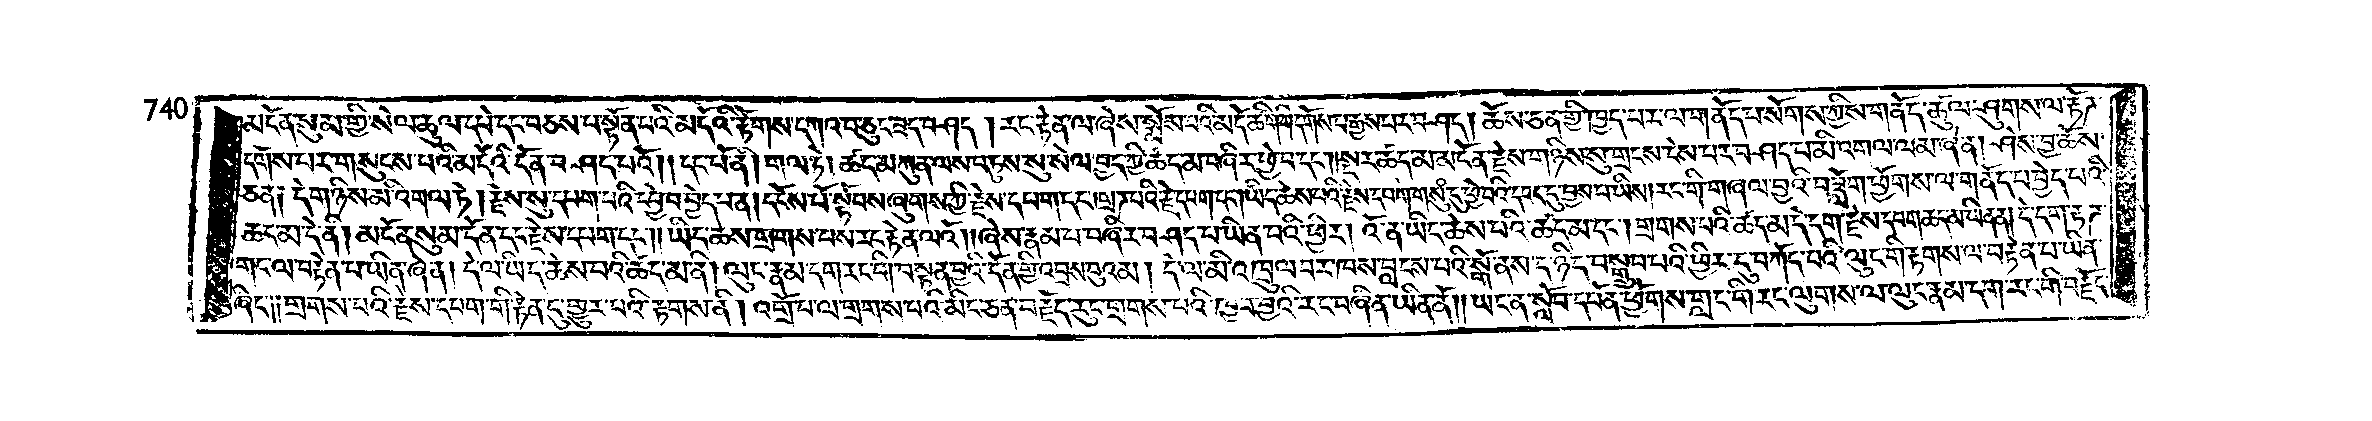མངོན་སུམ་གྱི་སེལ་ཚུལ་དཔེ་དང་བཅས་པ་སྟོན་པའི་མདོའི་རྟོགས་དཀའ་བ་ཅུང་ཟད་བཤད། །རང་རྟེན་ལ་ཞེས་སྨོས་པའི་མདོ་ཚིག་གི་དགོས་པ་རྒྱས་པར་བཤད། ཆོས་ཅན་གྱི་ཁྱད་པར་ལ་གནོད་པ་སོགས་ཀྱིས་གནོད་ཚུལ་ཤུགས་ལ་རྟོགས་
དགོས་པར་གསུངས་པའི་མདོའི་དོན་བཤད་པའོ། །དང་པོ་ནི། གལ་ཏེ། ཚད་མ་ཀུན་ལས་བཏུས་སུ་སེལ་བྱེད་ཀྱི་ཚད་མ་བཞིར་ཕྱེ་བ་དང་། སྔར་ཚད་མ་མངོན་རྗེས་གཉིས་སུ་གྲངས་ངེས་པར་བཤད་པ་མི་འགལ་ལམ་ཞེ་ན། ཤེས་བྱ་ཆོས་
ཅན། དེ་གཉིས་མི་འགལ་ཏེ། རྗེས་སུ་དཔག་པའི་དབྱེ་བ་བྱེད་པ་ན། དངོས་པོ་སྟོབས་ཞུགས་ཀྱི་རྗེས་དཔག་དང་གྲགས་པའི་རྗེས་དཔག་དང་། ཡིད་ཆེས་པའི་རྗེས་དཔག་གསུམ་དུ་ཕྱེ་བའི་དབང་དུ་བྱས་པ་ཡིས། །རང་གི་གཞལ་བྱའི་བཟློག་ཕྱོགས་ལ་གནོད་པ་བྱེད་པའི་
ཚད་མ་དེ་ནི། མངོན་སུམ་དོན་དང་རྗེས་དཔག་དང་། །ཡིད་ཆས་གྲགས་པས་རང་རྟེན་ལའོ། །ཞེས་རྣམ་པ་བཞིར་བཤད་པ་ཡིན་པའི་ཕྱིར། འོ་ན་ཡིད་ཆེས་པའི་ཚད་མ་དང་། གྲགས་པའི་ཚད་མ་དེ་དག་རྗེས་དཔག་ཚད་མ་ཡིན་ན། དེ་དག་རྟགས་
གང་ལ་བརྟེན་པ་ཡིན་ཞེ་ན། དེ་ལ་ཡིད་ཆེས་པའི་ཚད་མ་ནི། ལུང་རྣམ་དག་རང་གི་བསྟན་བྱའི་དོན་གྱི་འབྲས་བུའམ། དེ་ལ་མི་འཁྲུལ་བར་ཁས་བླངས་པའི་སྒོ་ནས་དེ་ཉིད་བསྒྲུབ་པའི་ཕྱིར་དུ་བཀོད་པའི་ལུང་གི་རྟགས་ལ་བརྟེན་པ་ཡིན་
ཞིང་། གྲགས་པའི་རྗེས་དཔག་གི་རྟེན་དུ་གྱུར་པའི་རྟགས་ནི། འགྲོ་བ་ལ་གྲགས་པའི་མིང་ཅན་བརྗོད་རུང་གྲགས་པའི་ཁྱབ་བྱའི་རང་བཞིན་ཡིན་ནོ། །ཡང་ན་སློབ་དཔོན་ཕྱོགས་གླང་གི་རང་ལུགས་ལ་ལུང་རྣམ་དག་རང་གི་བརྗོད་